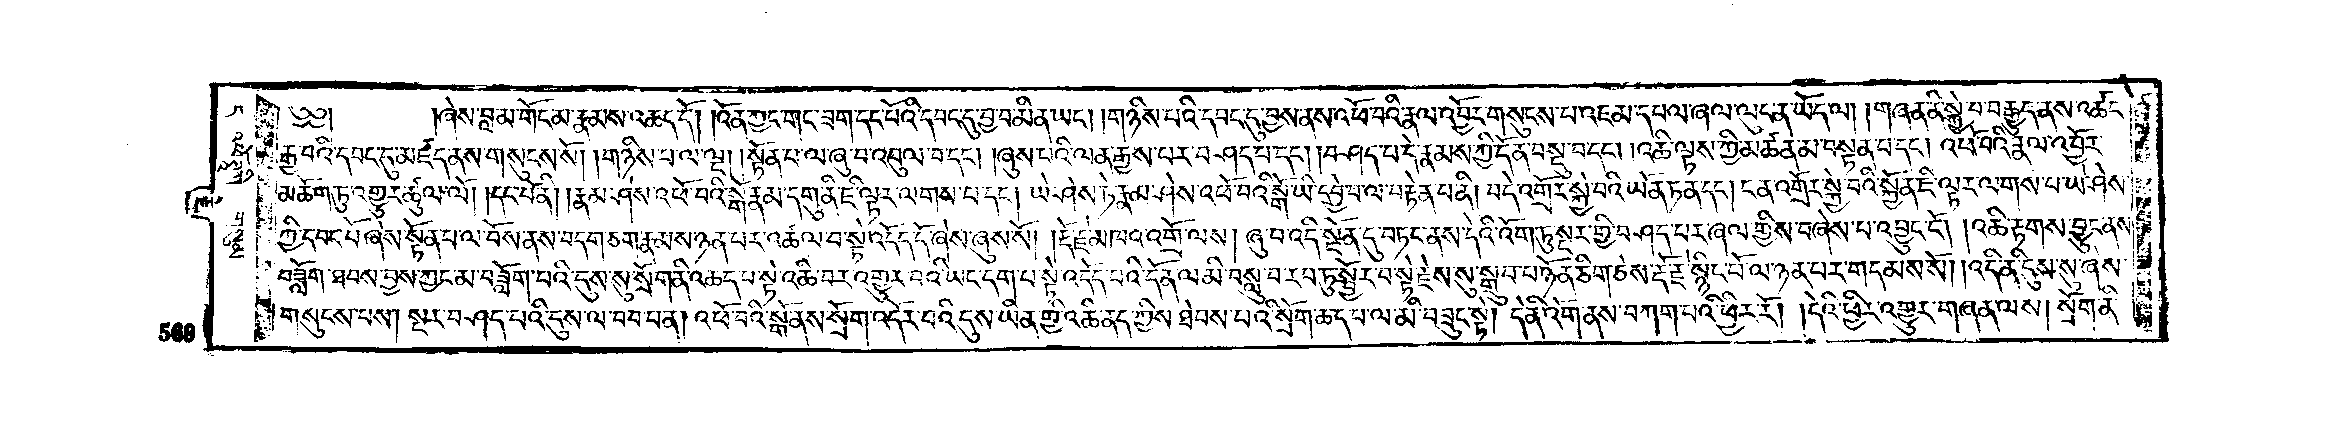༄༅། །ཞེས་བླ་མ་གོང་མ་རྣམས་འཆད་དོ། །འོན་ཀྱང་གང་ཟག་དང་པོའི་དབང་དུ་བྱ་བ་མིན་ཡང་། །གཉིས་པའི་དབང་དུ་བྱས་ནས་འཕོ་བའི་རྣལ་འབྱོར་གསུངས་པ་འཇམ་དཔལ་ཞལ་ལུང་ན་ཡོད་ལ། །གཞན་ནི་སྐྱེ་བ་བརྒྱུད་ནས་འཚང་
རྒྱ་བའི་དབང་དུ་མཛད་ནས་གསུངས་སོ། །གཉིས་པ་ལ་ལྔ། །སྟོན་པ་ལ་ཞུ་བ་འབུལ་བ་དང་། །ཞུས་པའི་ལན་རྒྱས་པར་བཤད་པ་དང་། །བཤད་པ་དེ་རྣམས་ཀྱི་དོན་བསྡུ་བ་དང་། །འཆི་ལྟས་ཀྱི་མཚན་མ་བསྟན་པ་དང་། འཕོ་བའི་རྣལ་འབྱོར་
མཆོག་ཏུ་འགྱུར་ཚུལ་ལོ། །དང་པོ་ནི། །རྣམ་ཤེས་འཕོ་བའི་སྒོ་རྣམ་དགུ་ནི་ཇི་ལྟར་ལགས་པ་དང་། ཡེ་ཤེས་ཏེ་རྣམ་ཤེས་འཕོ་བའི་སྒོ་ཡི་དབྱེ་བ་ལ་བརྟེན་པ་ནི། བདེ་འགྲོར་སྐྱེ་བའི་ཡོན་ཏན་དང་། ངན་འགྲོར་སྐྱེ་བའི་སྐྱོན་ཇི་ལྟར་ལགས་པ་ཡེ་ཤེས་
ཀྱི་དབང་པོ་ཞེས་སྟོན་པ་ལ་བོས་ནས་བདག་ཅག་རྣམས་ཉན་པར་འཚལ་བ་སྟེ་འདོད་དོ་ཞེས་ཞུས་སོ། །རྡོ་རྗེ་མཁའ་འགྲོ་ལས། ཞུ་བ་འདི་སྔོན་དུ་བཏང་ནས་དེའི་འོག་ཏུ་སྔར་གྱི་བཤད་པར་ཞལ་གྱིས་བཞེས་པ་འབྱུང་ངོ། །འཆི་རྟགས་བྱུང་ནས་
བཟློག་ཐབས་བྱས་ཀྱང་མ་བཟློག་པའི་དུས་སུ་སྲོག་ནི་འཆད་པ་སྟེ་འཆི་བར་འགྱུར་བའི་ཡང་དག་པ་སྟེ་འདོད་པའི་དོན་ལ་མི་བསླུ་བ་རབ་ཏུ་སྦྱོར་བ་སྟེ་རྗེས་སུ་སྒྲུབ་པ་ཉོན་ཅིག་ཅེས་རྡོ་རྗེ་སྙིང་པོ་ལ་ཉན་པར་གདམས་སོ། །འདི་ནི་དུས་སུ་ཞེས་
གསུངས་པས། སྔར་བཤད་པའི་དུས་ལ་བབ་པ་ན། འཕོ་བའི་སྒོ་ནས་སྲོག་འདོར་བའི་དུས་ཡིན་གྱི་འཆི་ནད་ཀྱིས་ཐེབས་པའི་སྲོག་ཆད་པ་ལ་མི་བཟུང་སྟེ། དེ་ནི་འོག་ནས་བཀག་པའི་ཕྱིར་རོ། །དེའི་ཕྱིར་འགྱུར་གཞན་ལས། སྲོག་ནི་